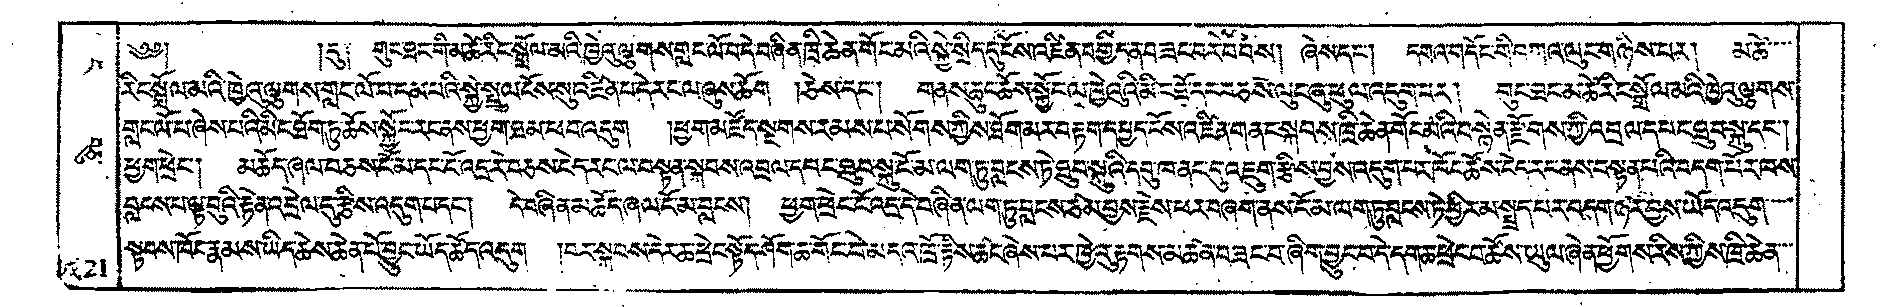༄༅། །དུ༑ གུང་ཐང་གི་མཚེ་རིང་སྒྲོལ་མའི་ཁྱེའུ་ལྕགས་གླང་ལོ་བདེ་བཞིན་ཁྲི་ཆེན་གོང་མའི་སྐྱེ་སྲིད་དུ་ངོས་འཛིན་བགྱིད་ན་བཟང་བར་བབས། ཞེས་དང་། དགའ་གདོང་གི་བཀའ་ལུང་གཉིས་པར། མ་ཚེ་
རིང་སྒྲོལ་མའི་ཁྱེའུ་ལྕགས་གླང་ལོ་པ་དམ་པའི་སྐྱེ་སྤྲུལ་ངོས་སུ་འཛིན་པ་དེ་རང་ལ་ཞུས་ཆོག །ཅེས་དང་། གནས་ཆུང་ཆོས་སྐྱོང་ལ་ཁྱེའུའི་མིང་ཐོ་དང་བཅས་ལུང་ཞུ་ཕུལ་འདུག་པར། གུང་ཐང་མ་ཚེ་རིང་སྒྲོལ་མའི་ཁྱེའུ་ལྕགས་
གླང་ལོ་པ་ཞེས་པའི་མིང་ཐོག་ཏུ་ཆོས་སྐྱོང་རང་ནས་ཕྱག་ཐམ་ཕབ་འདུག །ཕྱག་མཛོད་སྔགས་རམས་པ་སོགས་ཀྱིས་ཐོག་མར་བརྟག་དཔྱད་ངོས་འཛིན་གནང་སྐབས་ཁྲི་ཆེན་གོང་མའི་བསྙེན་རྫོགས་ཀྱི་འབྲལ་དཔང་ཐུབ་སྐུ་དང་།
ཕྱག་ཕྲེང་། མཆོད་ཞལ་བཅས་ངོ་མ་དང་ངོ་འདྲ་རེ་བཅས་ངེད་རང་ལ་བསྟན་སྐབས་འབྲལ་དཔང་ཐུབ་སྐུ་ངོ་མ་ལག་ཏུ་བླངས་ཏེ་ཐུབ་སྐུའི་དབུ་ཁ་ནང་དུ་འཇུག་རྩིས་བྱས་འདུག་པར་ཁོང་ཚོས་ངེད་རང་ནས་བསྟན་པའི་བདག་པོར་ཁས་
བླངས་པ་ལྟ་བུའི་རྟེན་འབྲེལ་དུ་རྩིས་འདུག་པ་དང་། དེ་བཞིན་མཆོད་ཞལ་ངོ་མ་བླངས། ཕྱག་ཕྲེང་ངོ་འདྲ་དེ་བཞིན་ལག་ཏུ་བླངས་ཙམ་བྱས་རྗེས་ཕར་བཞག་ནས་ངོ་མ་ལག་ཏུ་བླངས་ཏེ་ཕྱིར་མ་སྤྲད་པར་བདག་ཉེར་བྱས་ཡོད་འདུག་
སྟབས་ཁོང་རྣམས་ཡིད་ཆེས་ཆེན་པོ་བྱུང་ཡོད་ཚོད་འདུག །བར་སྐབས་དེར་ཆ་ཕྲེང་སྟོད་ཤོག་ཆ་གོང་བེ་མདའ་ཁྲོ་རྟིས་ཚང་ཞེས་པར་ཁྱེའུ་རྟགས་མཚན་བཟང་བ་ཞིག་བྱུང་བ་དེ་དག་ཆ་ཕྲེང་བ་ཚོས་ཡུལ་ཞེན་ཕྱོགས་རིས་ཀྱིས་ཁྲི་ཆེན་